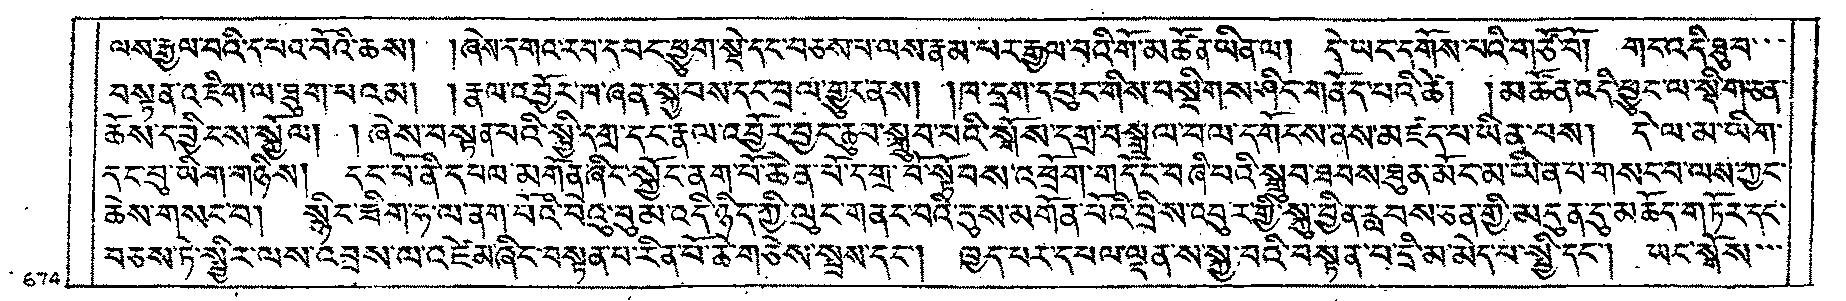ལས་རྒྱལ་བའི་དཔའ་བོའི་ཆས། །ཞེས་དགའ་རབ་དབང་ཕྱུག་སྡེ་དང་བཅས་པ་ལས་རྣམ་པར་རྒྱལ་བའི་གོ་མཚོན་ཡིན་ལ། དེ་ཡང་དགོས་པའི་གཙོ་བོ། གང་འདི་ཐུབ་
བསྟན་འཇིག་ལ་ཐུག་པའམ། །རྣལ་འབྱོར་ཁ་ཞན་སྐྱབས་དང་བྲལ་གྱུར་ནས། །ཁ་དྲག་དཔུང་གིས་བསྡིགས་ཤིང་གནོད་པའི་ཚེ། །མཚོན་འདི་ཕྱུང་ལ་སྡིག་ཅན་
ཆོས་དབྱིངས་སྐྱོལ། །ཞེས་བསྟན་པའི་སྤྱི་དགྲ་དང་རྣལ་འབྱོར་བྱང་ཆུབ་སྒྲུབ་པའི་སྒོས་དགྲ་བསྒྲལ་བ་ལ་དགོངས་ནས་མཛད་པ་ཡིན་པས། དེ་ལ་མ་ཡིག་
དང་བུ་ཡིག་གཉིས། དང་པོ་ནི་དཔལ་མགོན་ཞིང་སྐྱོང་ནག་པོ་ཆེན་པོ་དགྲ་བོ་སྟོབས་འཕྲོག་གདོང་བཞི་པའི་སྒྲུབ་ཐབས་ཐུན་མོང་མ་ཡིན་པ་གསང་བ་ལས་ཀྱང་
ཆེས་གསང་བ། སྙིང་ཐིག་ཧ་ལ་ནག་པོའི་བེའུ་བུམ་འདི་ཉིད་ཀྱི་ལུང་གནང་བའི་དུས་མགོན་པོའི་བྲིས་འབུར་གྱི་སྐུ་བྱིན་རླབས་ཅན་གྱི་མདུན་དུ་མཆོད་གཏོར་དང་
བཅས་ཏེ་སྤྱིར་ལས་འབྲས་ལ་འཛེམ་ཞིང་བསྟན་པ་རིན་པོ་ཆེ་གཅེས་སྤྲས་དང་། ཁྱད་པར་དཔལ་ལྡན་ས་སྐྱ་བའི་བསྟན་པ་དྲི་མ་མེད་པ་སྤྱི་དང་། ཡང་སྒོས་